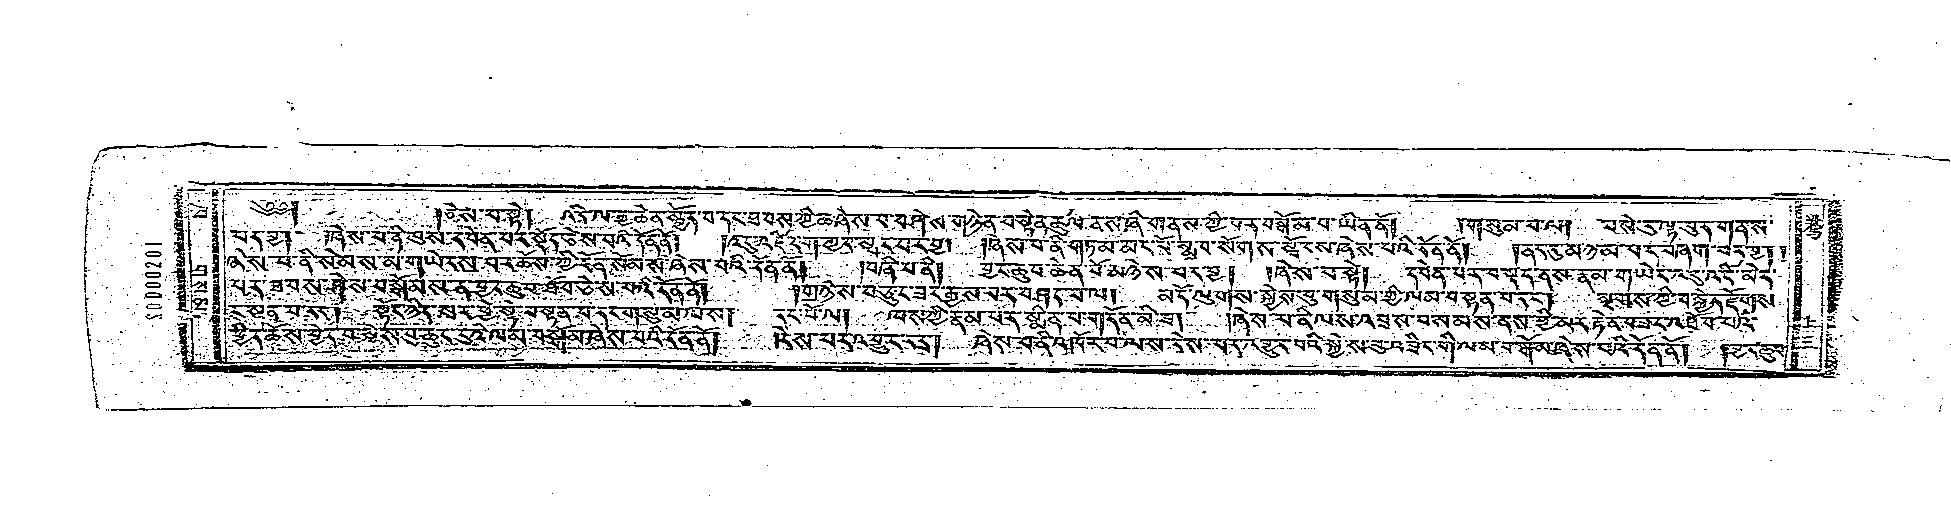༄༅། །ཅེས་པ་སྟེ། འདི་ལ་རྒྱ་ཆེན་སྤྱོད་བ་དང་ཐབས་ཀྱི་ཆ་ཞེས་བ་བཤེས་གཉེན་བསྟེན་ཚུལ་ནས་ཞི་གནས་ཀྱི་བར་བསྒོམ་པ་ཡིན་ནོ། །གསུམ་པ་ལ། བསེ་རུ་ལྟ་བུར་གནས་
པར་བྱ། །ཞེས་པ་ནི་ལུས་དབེན་པར་སྡོད་ཅེས་བའི་དོན་ནོ། །འདུ་འཛི་དག་ཀྱང་སྤང་བར་བྱ། །ཞེས་པ་ནི་གཏམ་མང་པོ་སྨྲ་བ་སོགས་སྤོངས་ཞེས་པའི་དོན་ནོ། །ནང་དུ་མཉམ་པར་བཞག་བར་བྱ། །
ཞེས་པ་ནི་སེམས་མ་གཡེངས་པར་ཆོས་ཀྱི་དོན་སེམས་ཞེས་པའི་དོན་ནོ། །བཞི་པ་ནི། བྱང་ཆུབ་ཆེན་པོ་མཉེས་པར་བྱ། །ཞེས་པ་སྟེ། དབེན་པར་བསྡད་ནས་རྣམ་གཡེང་འདུ་འཛི་མེད་
པར་ཐབས་ཤེས་བསྒོམས་ན་བྱང་ཆུབ་ཐོབ་ཅེས་པའི་དོན་ནོ། །གཉིས་པ་ཅུང་ཟད་རྒྱས་པར་བཤད་པ་ལ། མདོ་ལུགས་སྐྱེས་བུ་གསུམ་གྱི་ལམ་བསྟན་པ་དང་། སྔགས་ཀྱི་བསྐྱེད་རྫོགས་
བསྟན་པ་དང་། སྟོང་ཉིད་སླར་ཕྱེ་སྟེ་བསྟན་པ་དང་གསུམ་ལས། དང་པོ་ལ། ཁས་ཀྱི་རྣམ་པར་སྨིན་པ་གདོན་མི་ཟ། །ཞེས་པ་ནི་ལས་འབྲས་བསམས་ནས་ཕྱི་མར་རྟེན་བཟང་འཐོབ་པའོ་
ཕྱིར་ཆོས་བྱེད་པ་སྐྱེས་བུ་ཆུང་དུའི་ལམ་བསྒོམ་ཞེས་པའི་དོན་ནོ། །དེས་པར་འབྱུང་དང་། ཞེས་པ་ནི་འཁོར་པ་ལས་ངེས་བར་འབྱུང་བའི་སྐྱེས་བུ་འབྲིང་གི་ལམ་བསྒོམ་ཞེས་པའི་དོན་ནོ། །བྱང་ཆུབ་